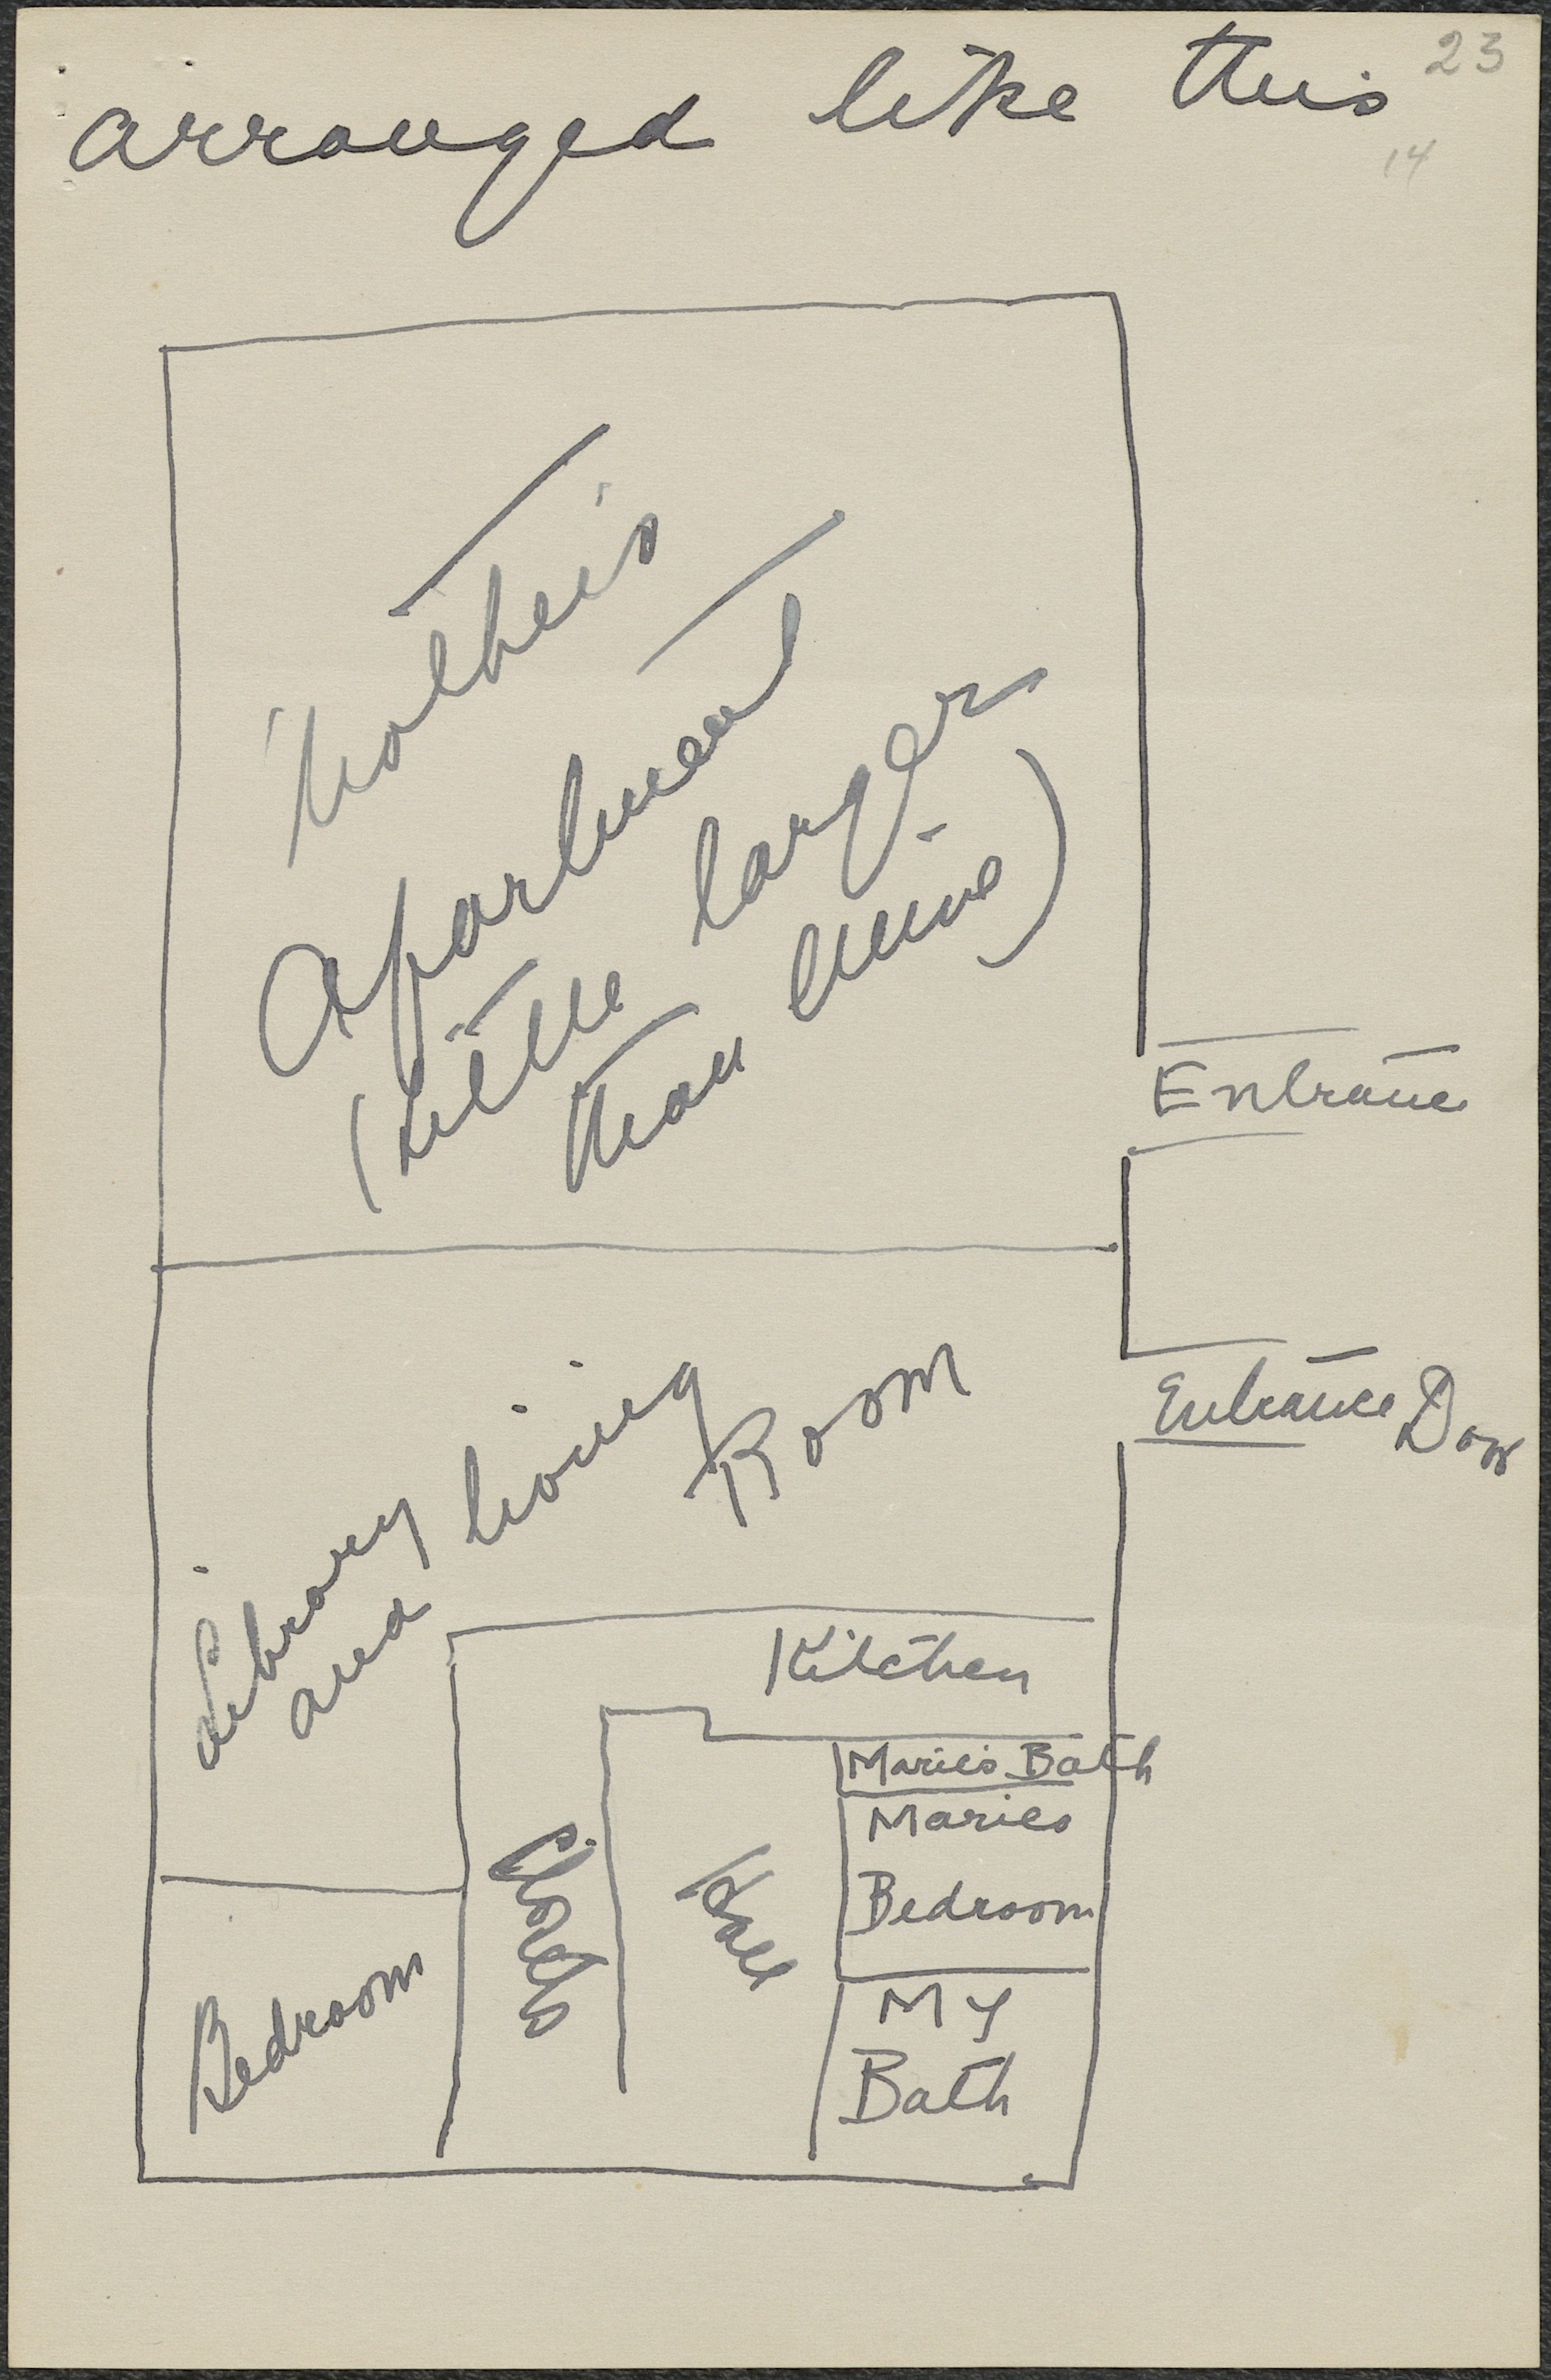arranged like this
[sketch of apartment with following annotations: Mother’s Apartment (little larger than mine); Entrance; Library and living Room; Entrance Door; Bedroom; Kitchen; Closets; Hall; Marie’s Bath; Marie’s Bedroom; My Bath]